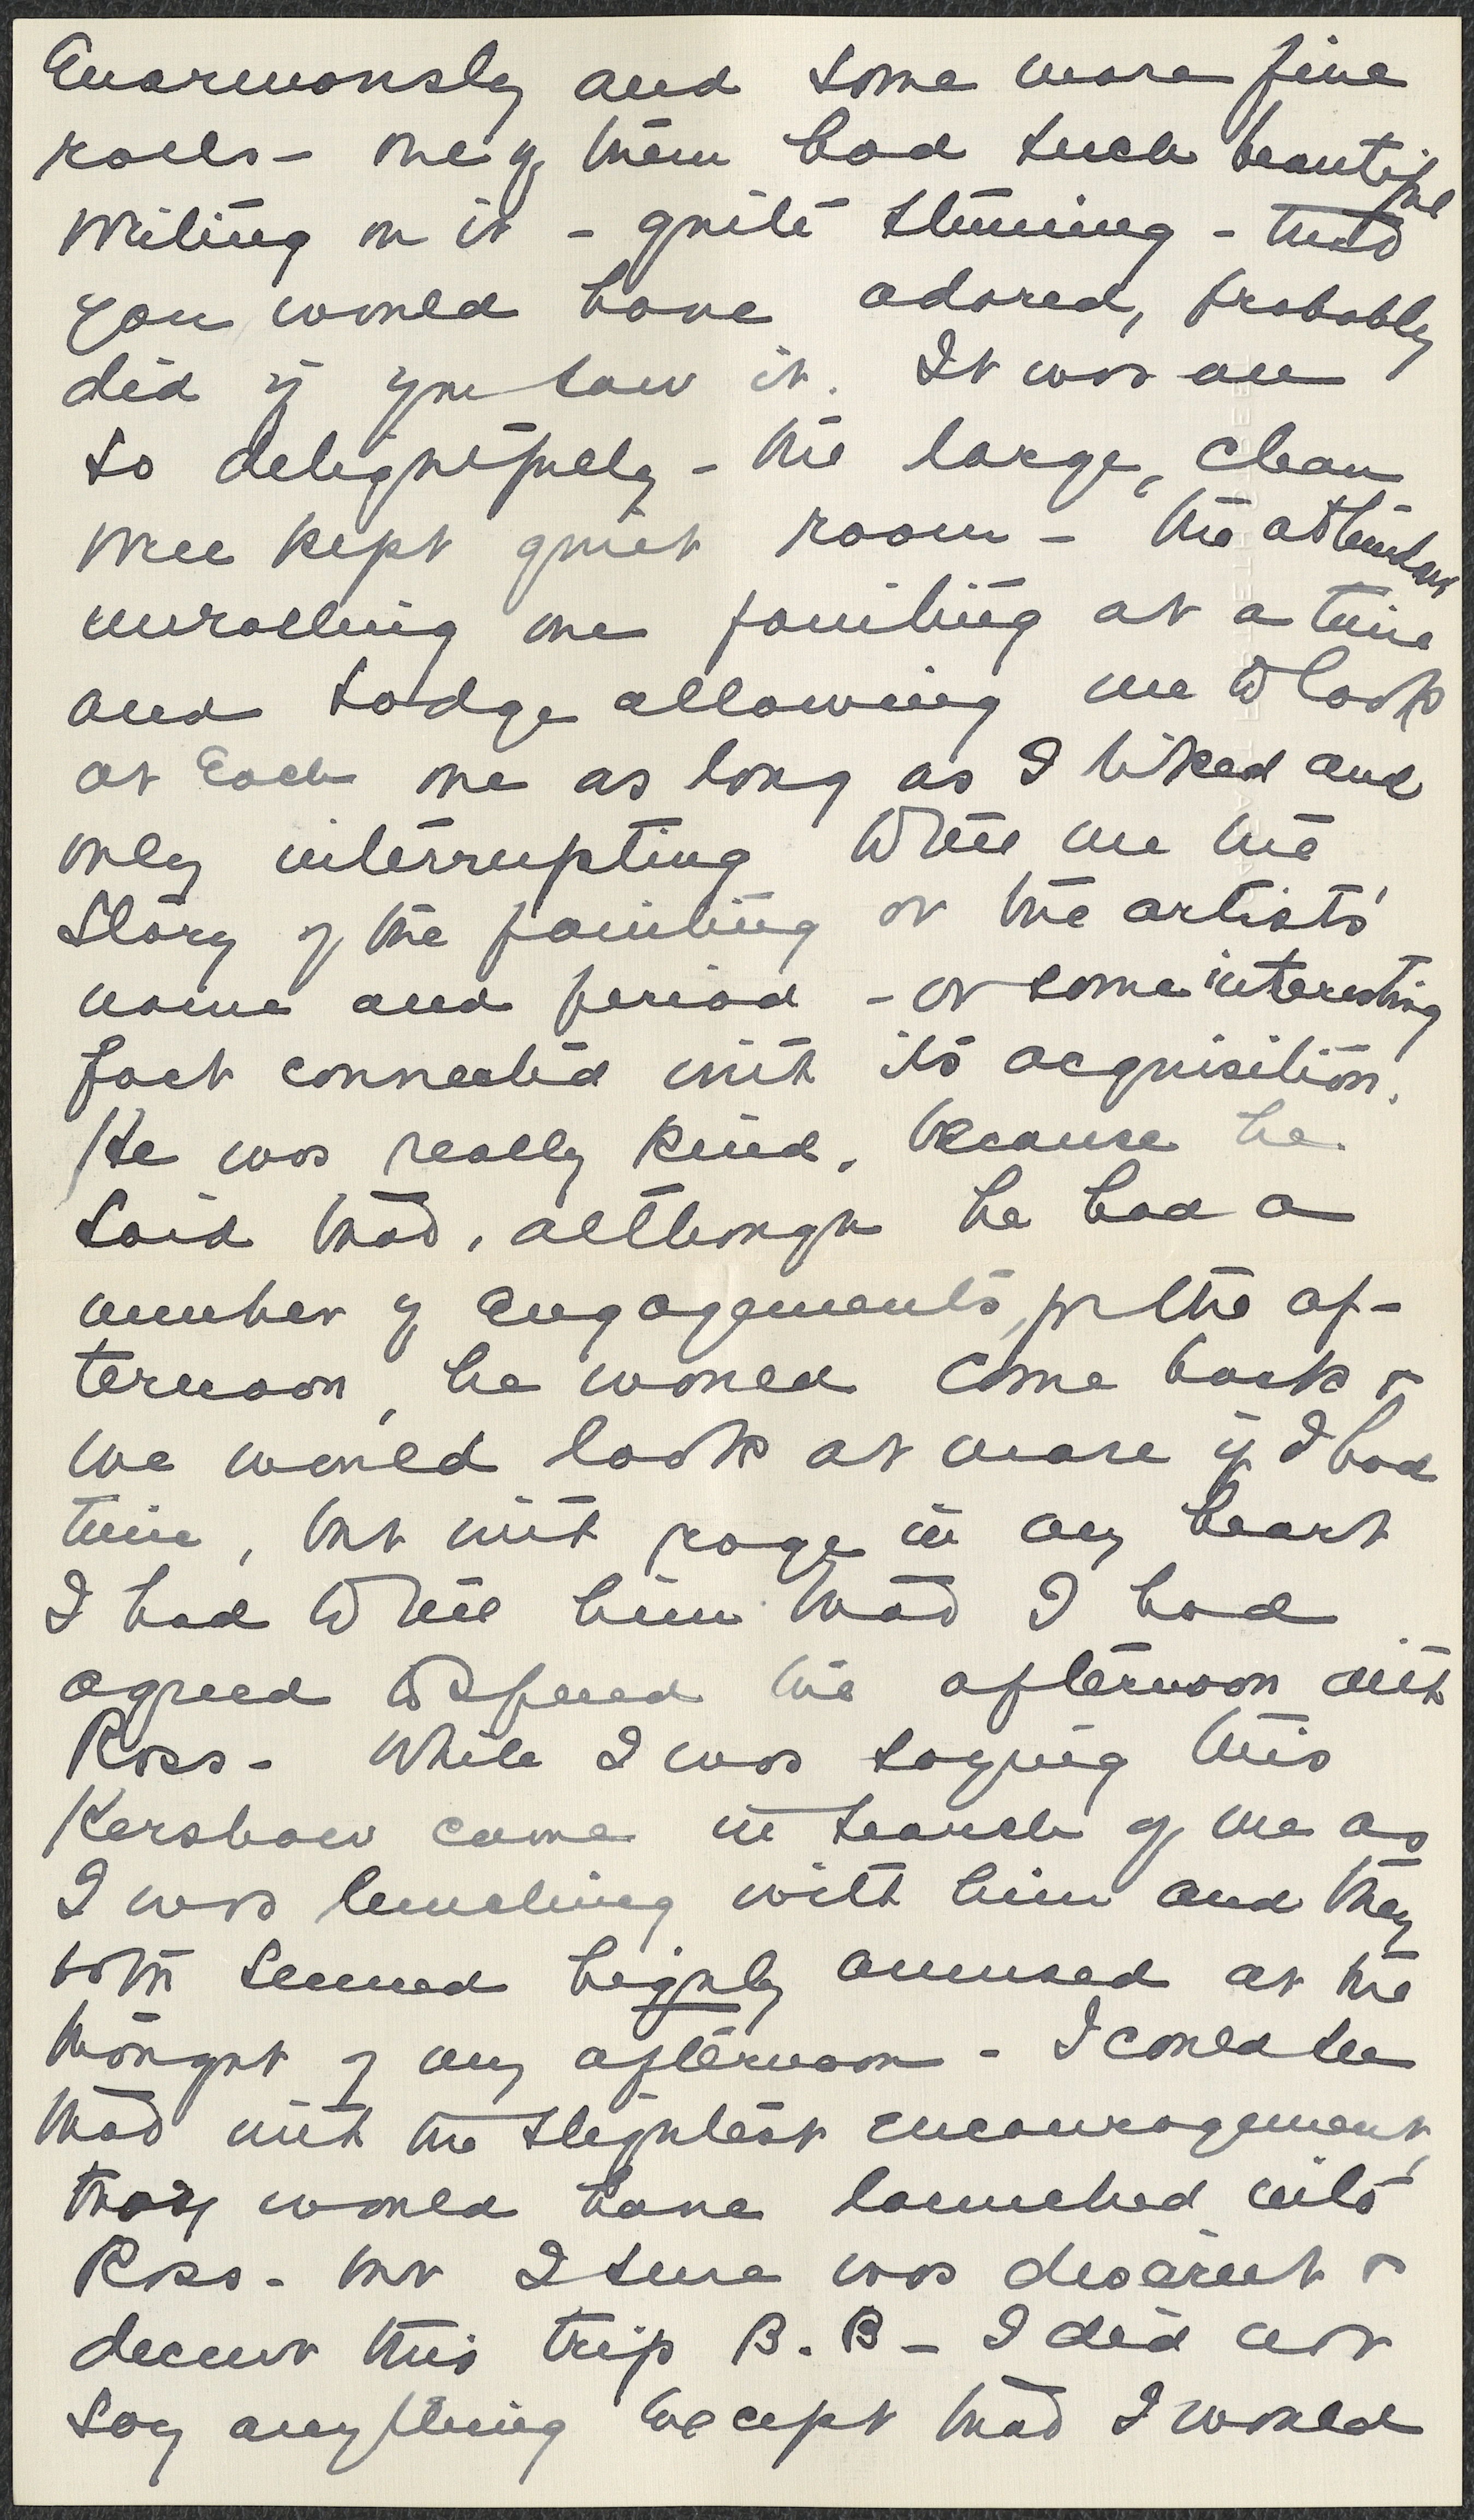enormously and some more fine rolls – one of them had such beautiful writing on it – quite stunning – that you would have adored, probably did if you saw it. It was all so delightfully – the large, clean well kept quiet room – the attendant unrolling one painting at a time and Lodge allowing me to look at each one as long as I liked and only interrupting to tell me that story of the painting or the artist’s name and period – or some interesting fact connected with its acquisition. He was really kind, because he said that, although he had number of engagements, for the afternoon, he would come back & we would look at more if I had time, but with rage in my heart I had to tell him that I had agreed to spend the afternoon with Ross – While I was saying this Kershaw came in search of me as I was lunching with him and they both seemed highly amused at the thought of my afternoon – I could see that with the slightest encouragement, they would have launched into Ross – but I sure was discreet & decent this trip B.B. – I did not say anything except that I would